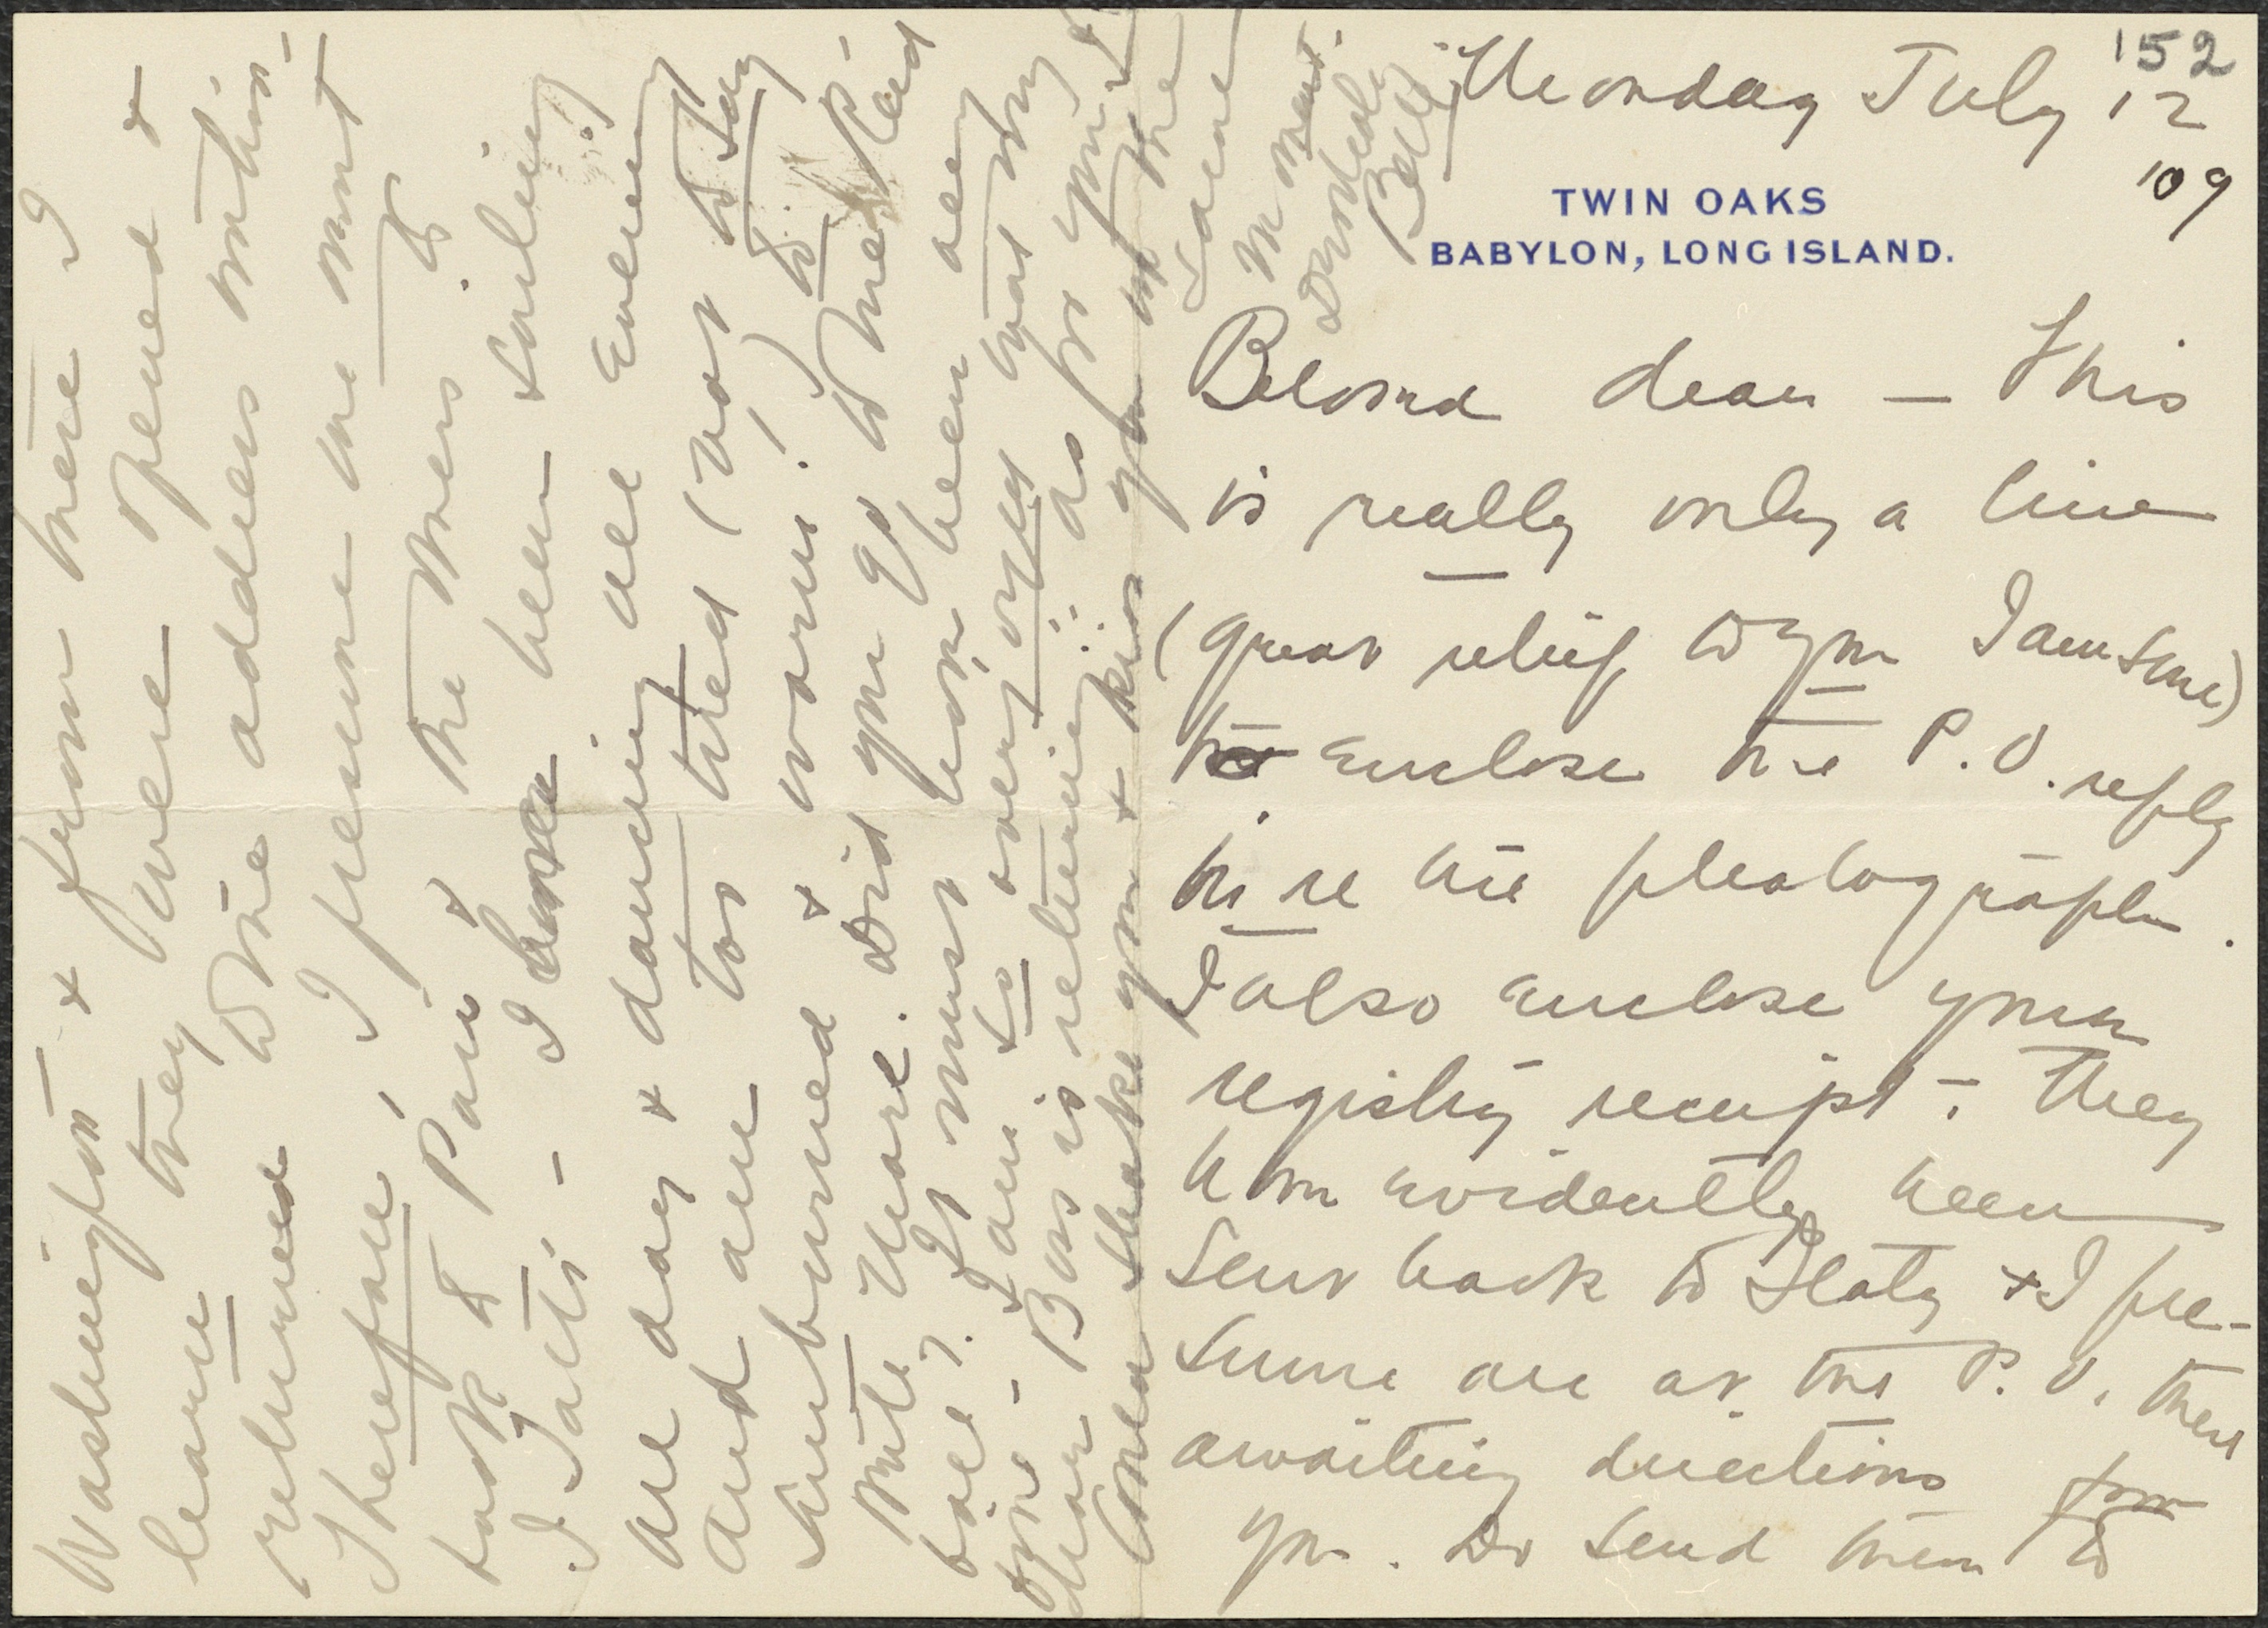Monday July 12
Beloved dear – This is really only a line (great relief to you I am sure) to [illegible deletion] enclose the P.O. reply in re the photograph. I also enclose your registry receipt. They have evidently been sent back to Italy & I presume are at the P.O. there awaiting direction from you. Do send them to
[Sheet rotated ninety degrees to right for this page]
Washington & from there I learn they were opened & returned to the address within – Therefore, I presume one went back to Paris & the others to I Tatti – I have been sailing all day & dancing all evening and am too tired (not to say sunburned & warm!) to write more. Did you go to the Reid ball? It must have been very fine – I am so overjoyed that my dear Boss is returning!! As for you I could shake you & kiss you in the same moment –
Devotedly
Belle.